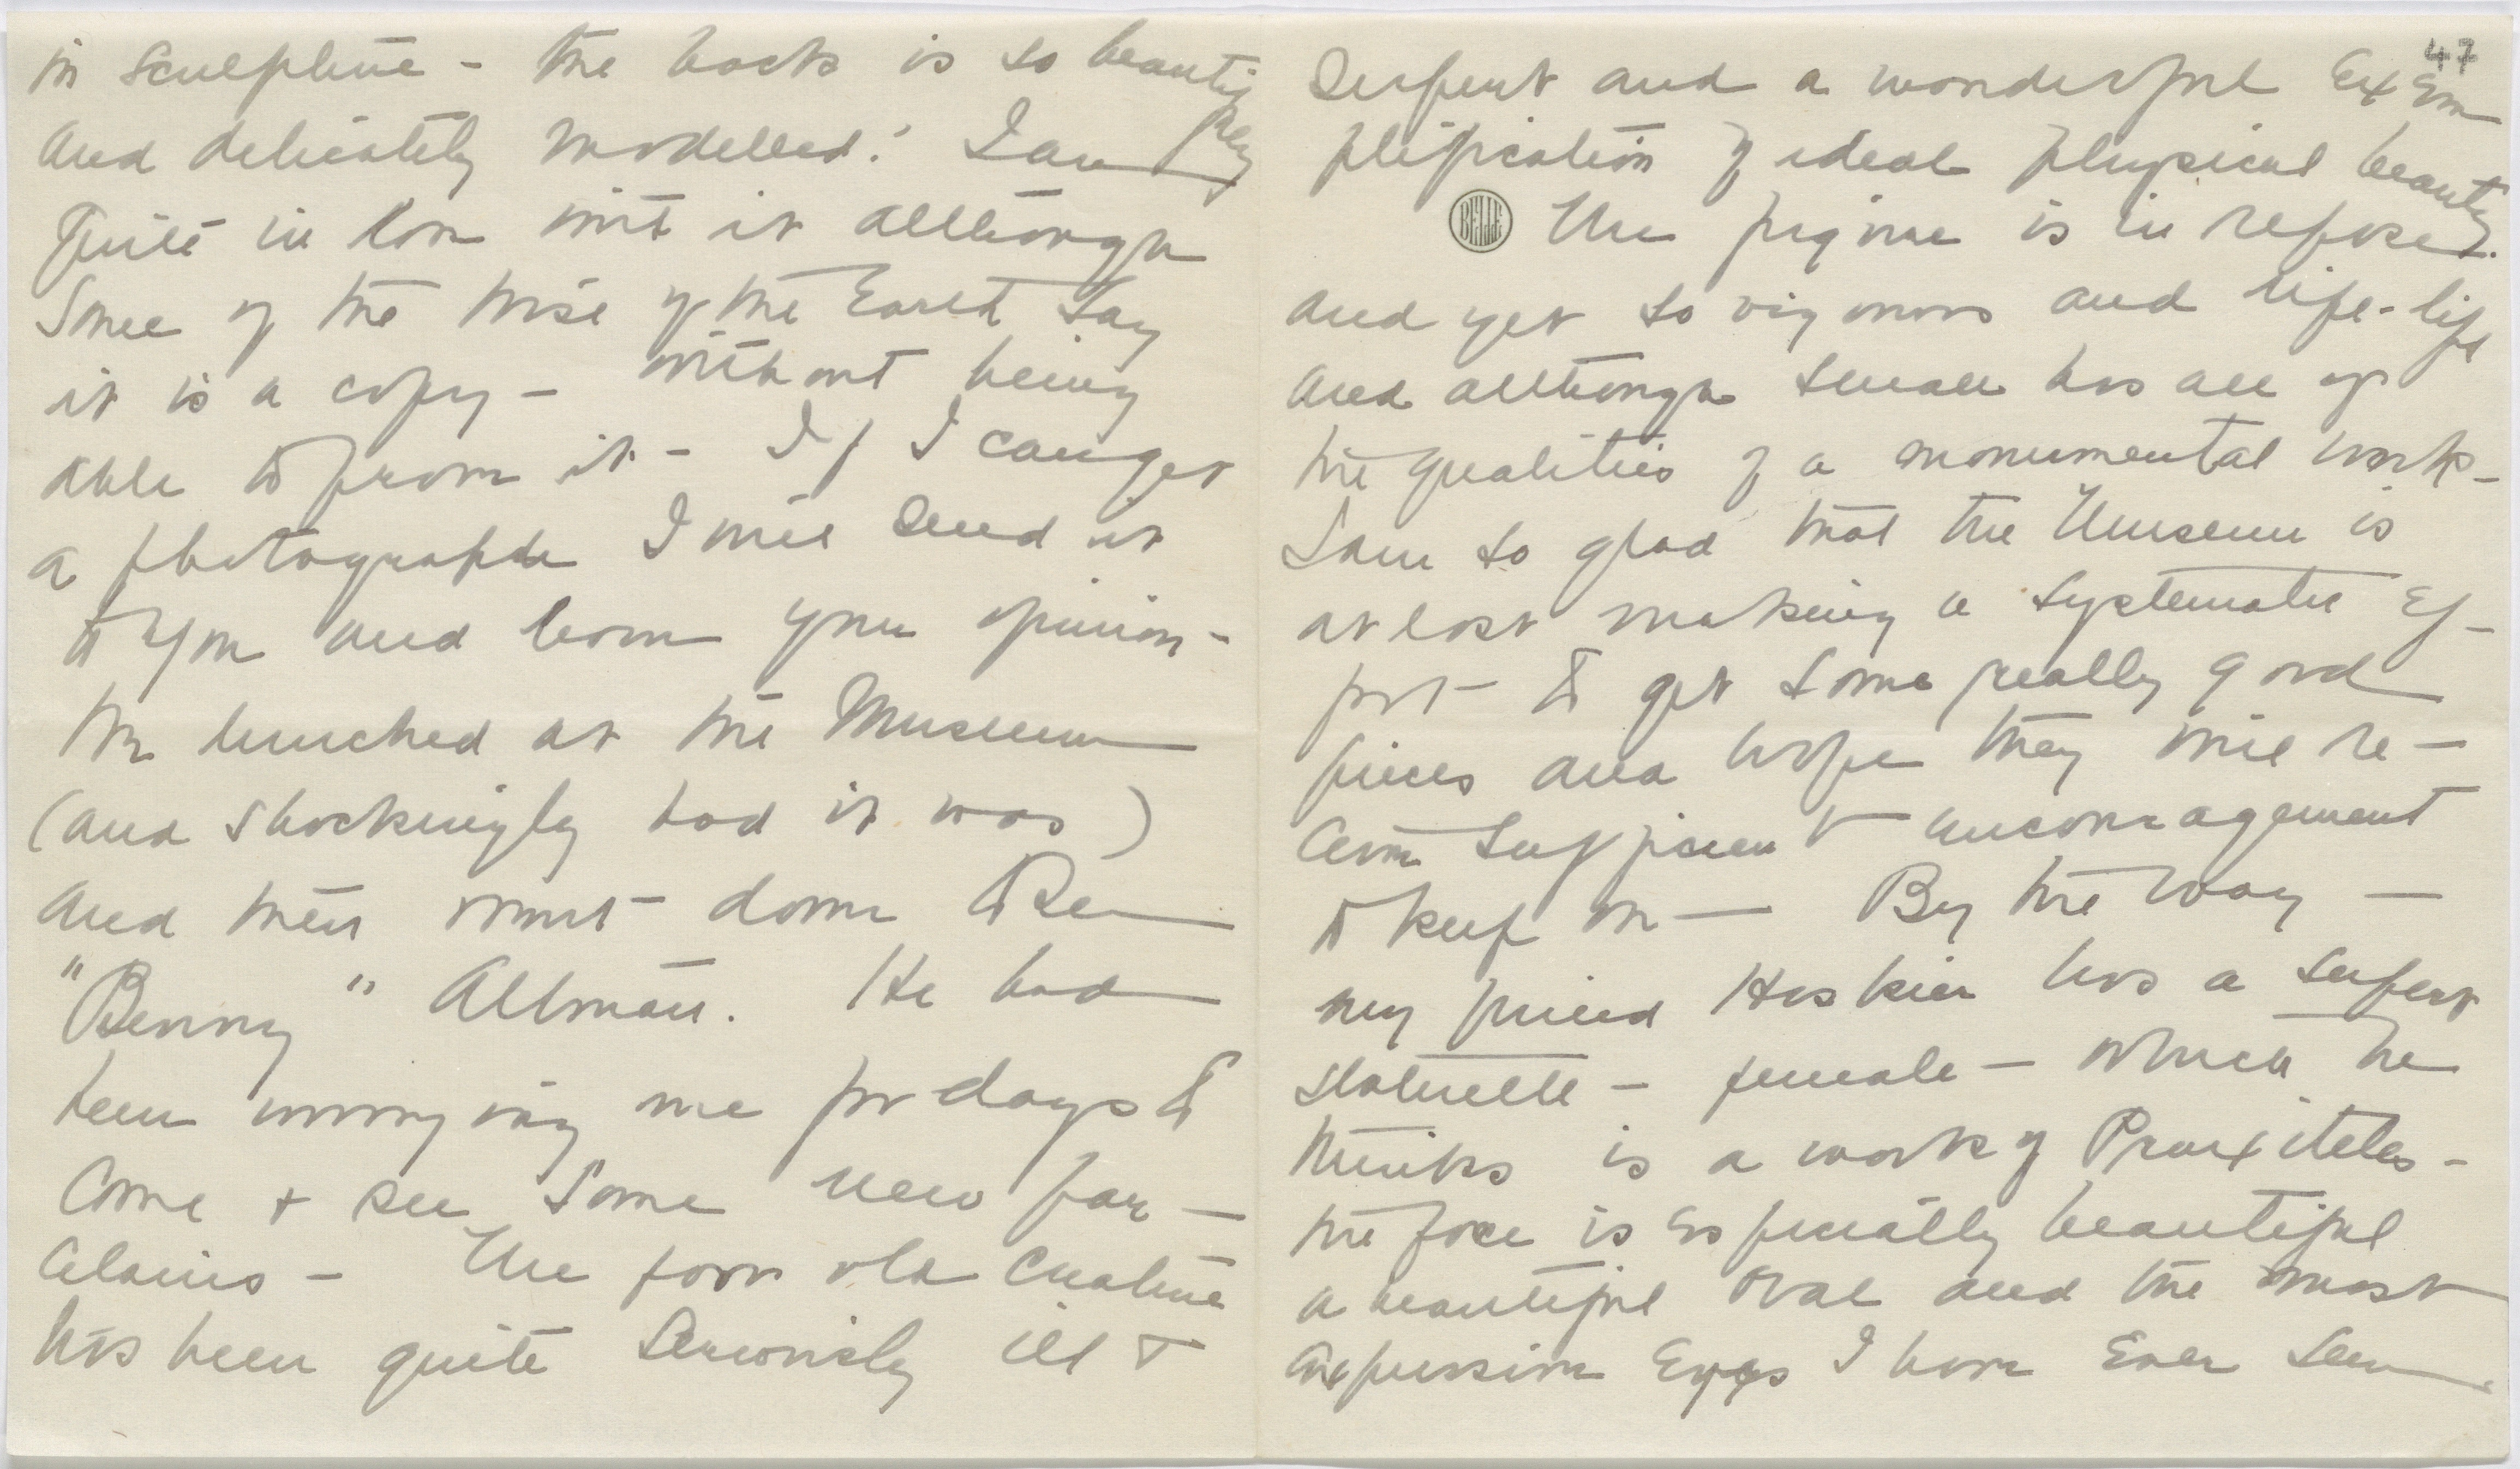superb and a wonderful exemplification of ideal physical beauty
The figure is in repose and yet so vigorous and life-like and although small has all of the qualities of a monumental work – I am so glad that the Museum is at last making a systematic effort to get some really good pieces and hope they will receive support & encouragement to keep on – By the way – my friend Hoskier has a superb statuette – female – which he thinks is a work of Praxiteles – the face is especially beautiful a beautiful oval and the most expressive eyes I have ever seen
in sculpture – the back is so beautifully and delicately modelled! I am quite in love with it although some of the wise of the Earth say it is a copy – without being able to prove it – If I can get a photograph I will send it to you and have your opinion –
We lunched at the Museum (and shockingly bad it was) and then went down to see “Benny” Altman. He had been worrying me for days to come & see some new porcelains – the poor old creature has been quite seriously ill &